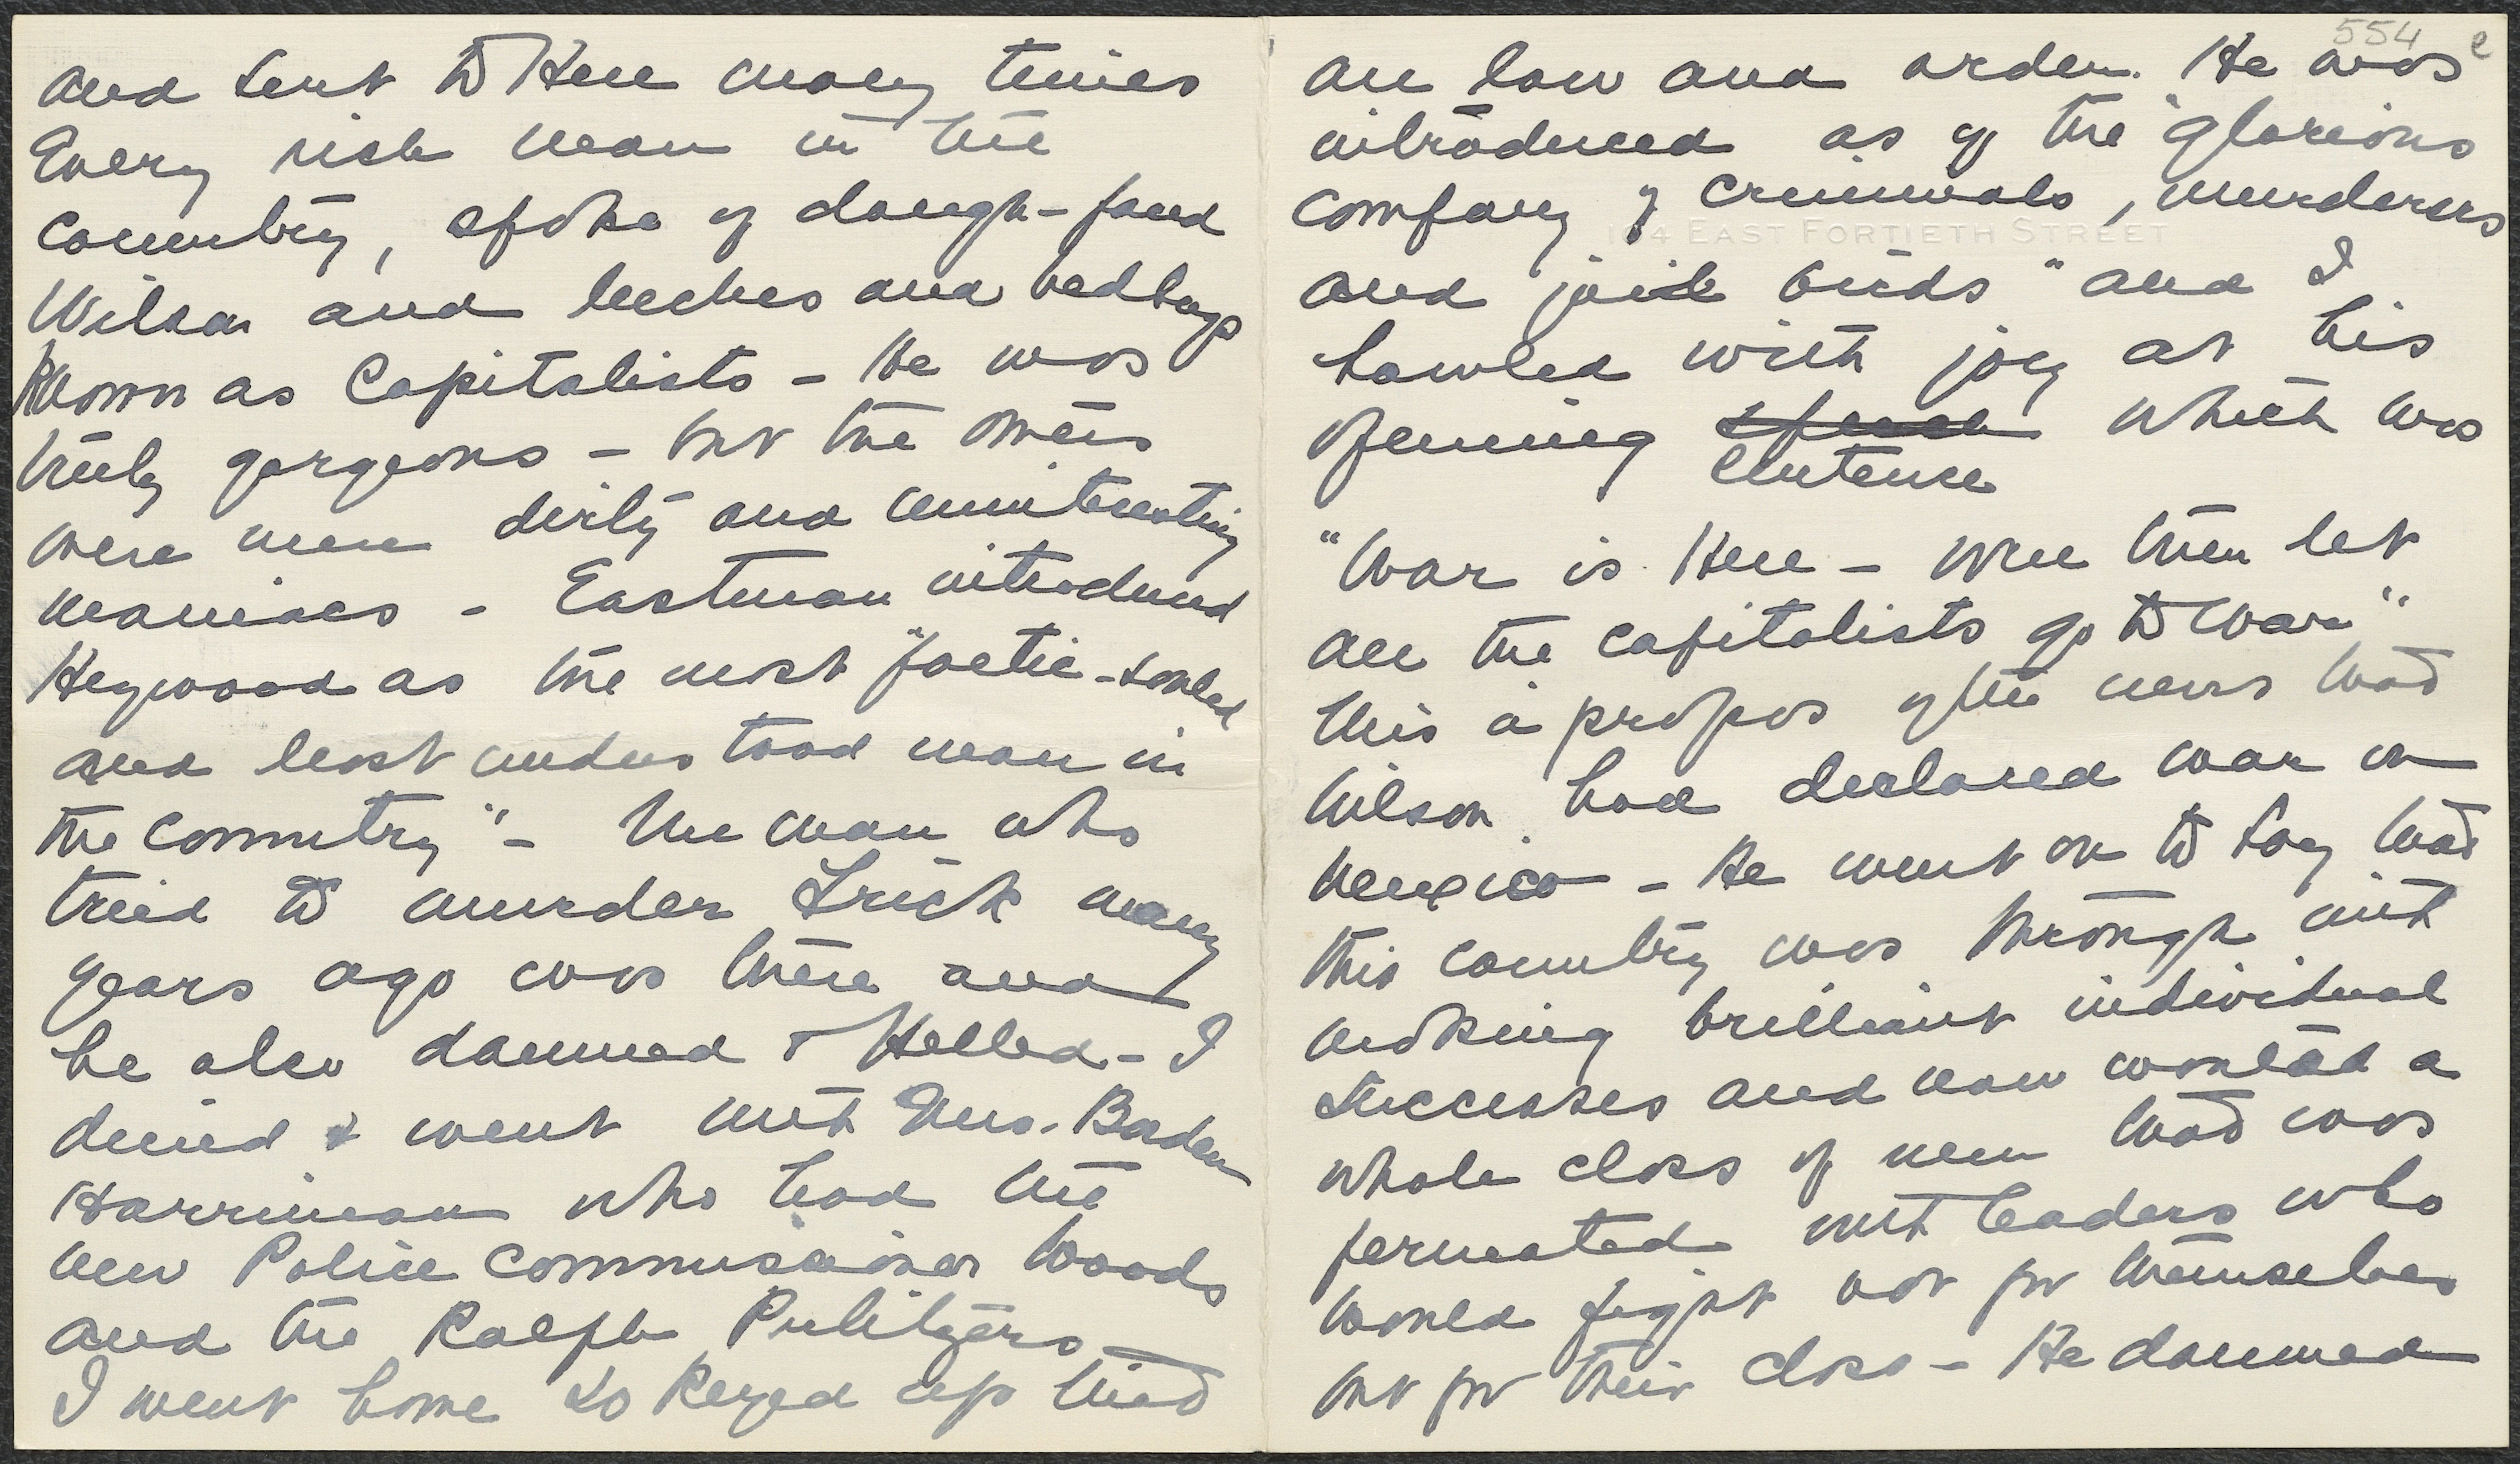all law and order. He was introduced as of the “glorious company of criminals, murderers and jail birds” and I howled with joy at his opening speech [^sentence^] which was “War is Hell – Well then let all the capitalists go to War” This apropos of the news that Wilson had declared war on Mexico – He went on to say that this country was through with making brilliant individual successes and now wanted a whole class of men that was permeated with leaders who would fight not for themselves but for their class – He damned
and sent to Hell many times every rich man in the country, spoke of dough-faced Wilson and leeches and bedbugs known as Capitalists – He was truly gorgeous – but the others there were dirty and uninteresting maniacs – Eastman introduced Heywood [sic] as the most “poetic-souled and least understood man in the country” – The man who tried to murder Frick many years ago was there and he also damned & Helled – I dined & went with Mrs. Borden Harriman who had the new Police Commissioner Woods and the Ralph Pulitzers – I went home so keyed up that